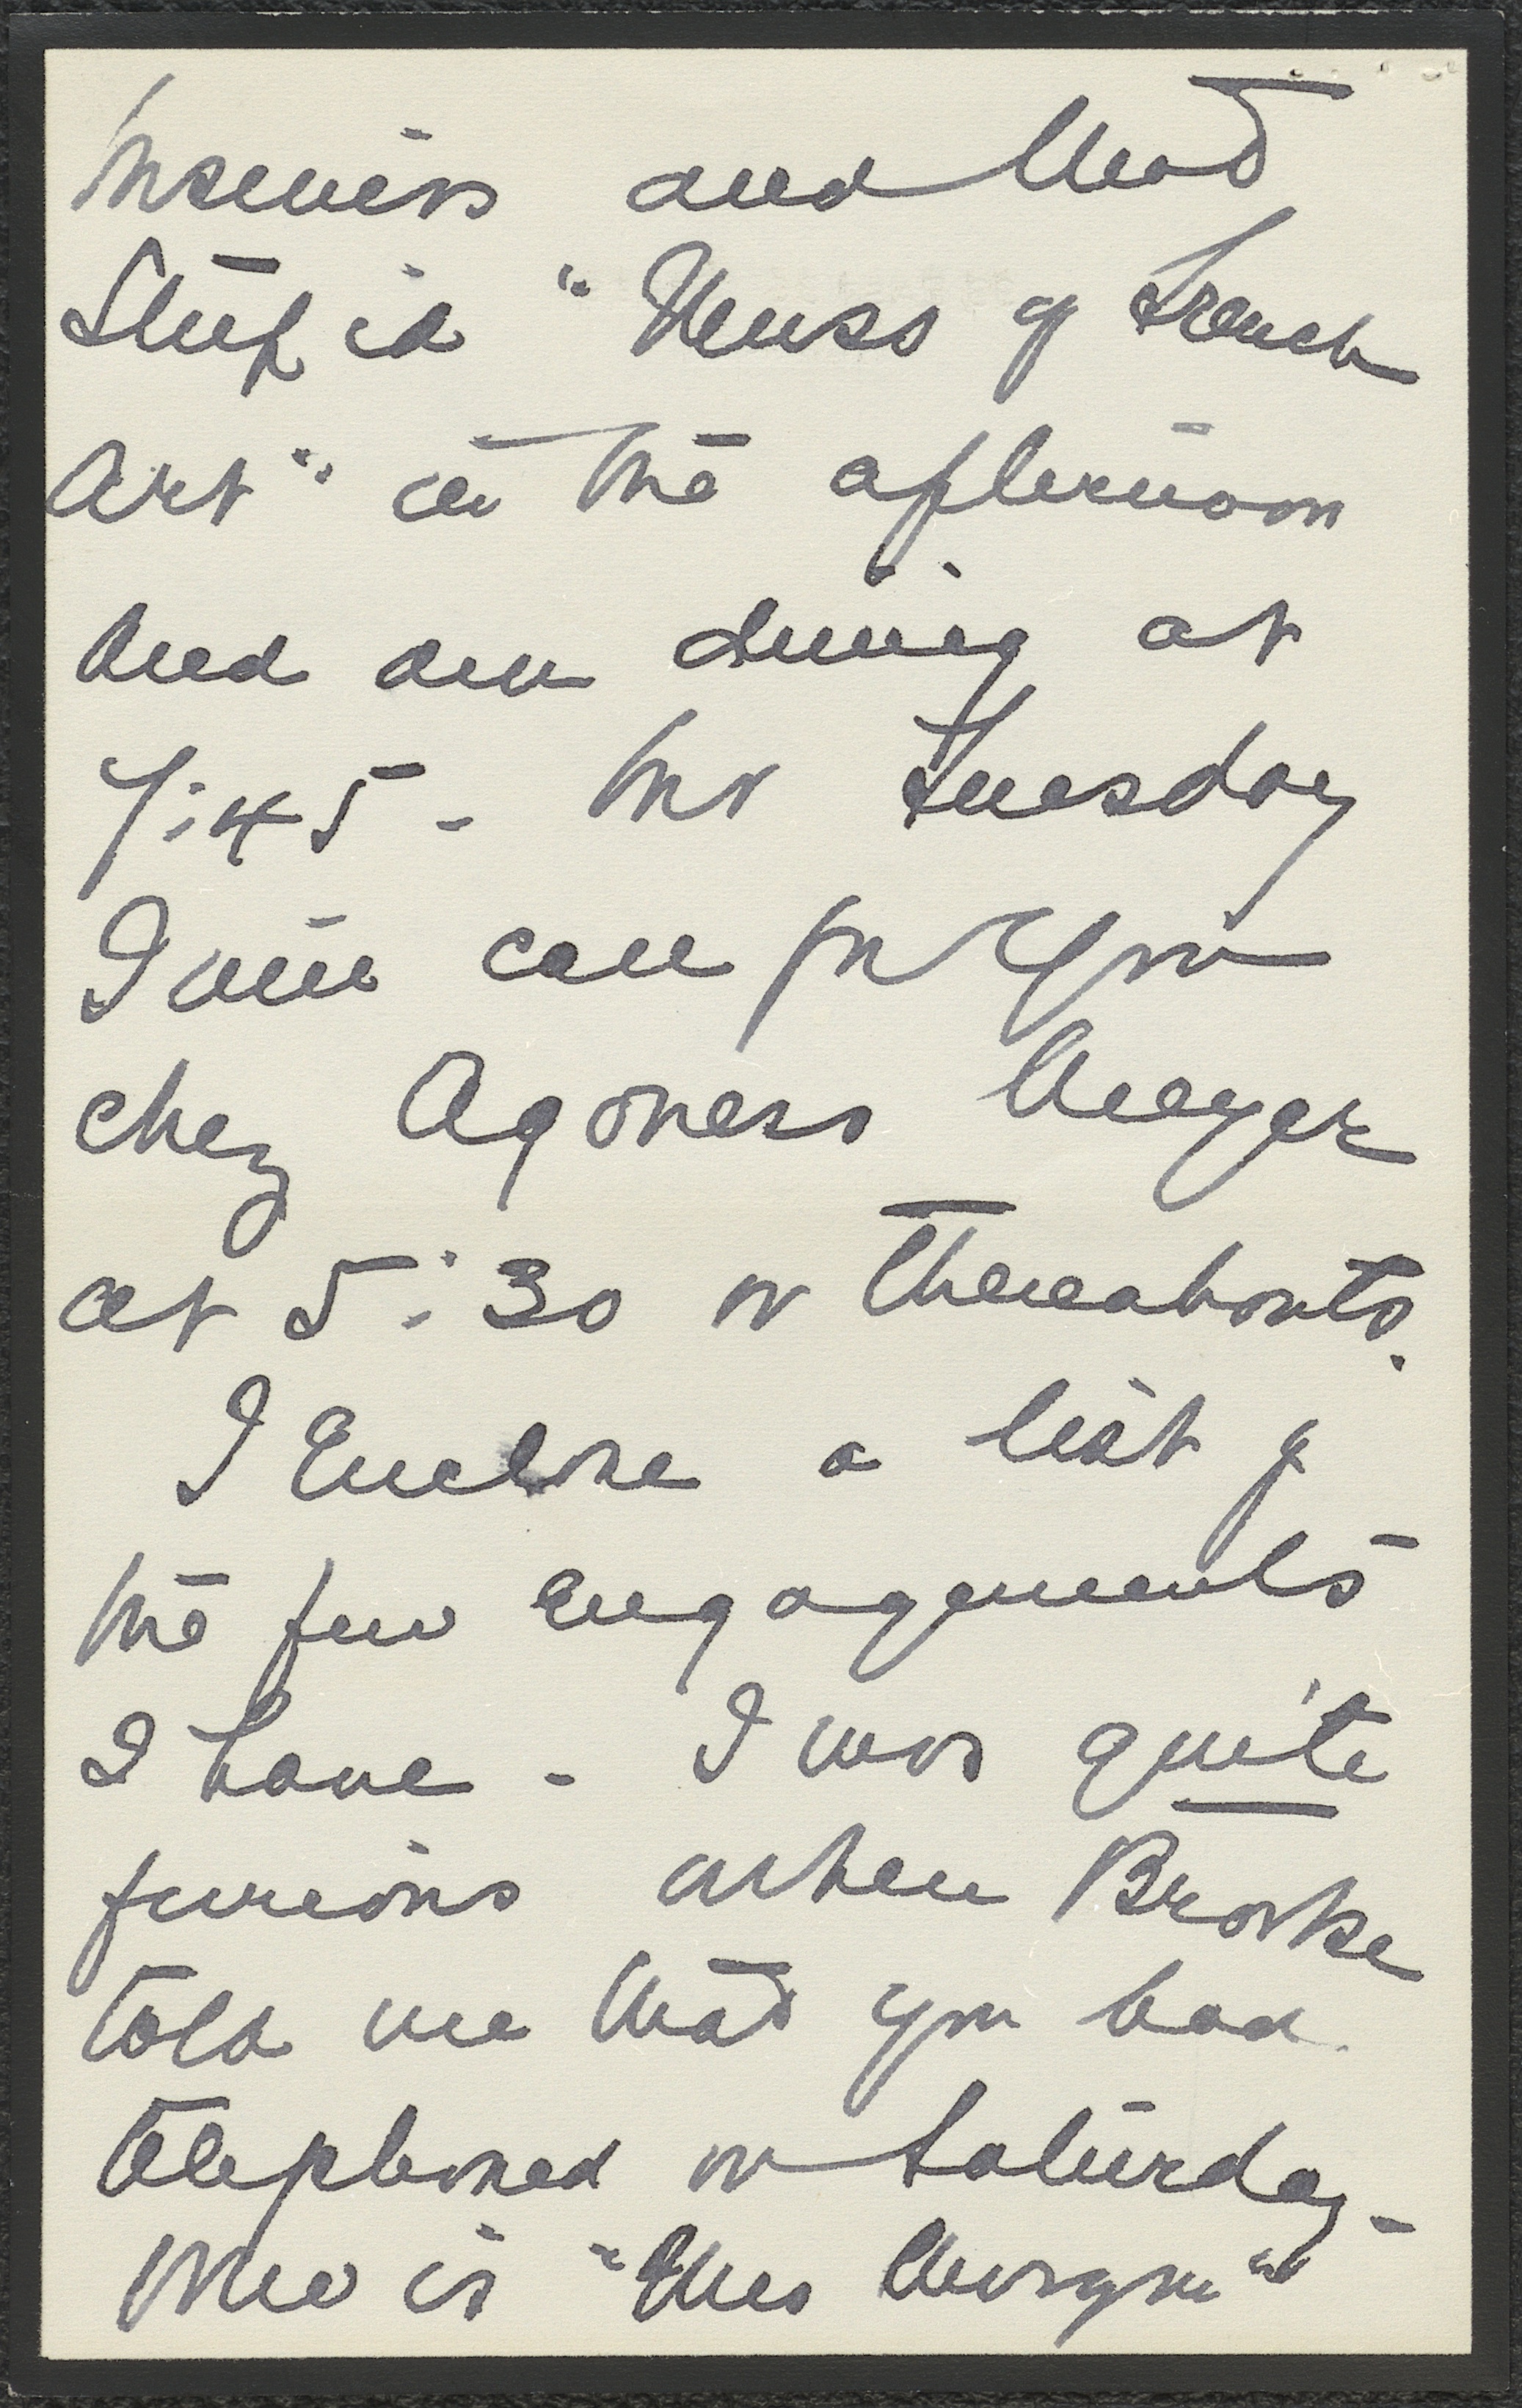business and that stupid “Muss [?] of French Art” in the afternoon and our dining at 7:45 – this Tuesday I will call for you chez Agoness Meyer at 5:30 or thereabouts.
I enclose a list of the few engagements I have – I was quite furious when Brooke [?] told me that you had telephoned on Saturday – who is “Mrs. Morgan”